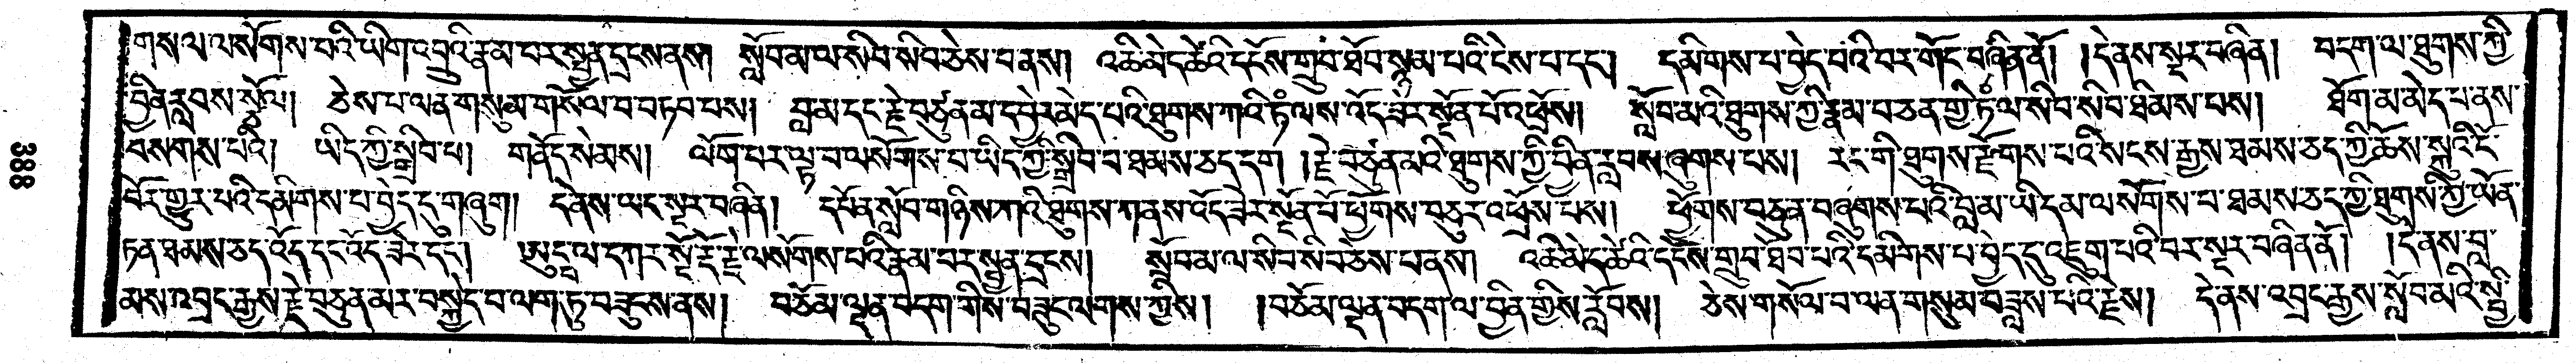གསལ་ལ་སོགས་པའི་ཡིག་འབྲུའི་རྣམ་པར་སྤྱན་དྲངས་ནས། སློབ་མ་ལ་སིབ་སིབ་ཅེས་བ་ནས། འཆི་མེད་ཚེའི་དངོས་གྲུབ་ཐོབ་སྙམ་པའི་ངེས་པ་དང་། དམིགས་པ་བྱེད་པའི་བར་གོང་བཞིན་ནོ། །དེ་ནས་སྔར་བཞིན། བདག་ལ་ཐུགས་ཀྱི་
བྱིན་རླབས་སྩོལ། ཅེས་པ་ལན་གསུམ་གསོལ་བ་བཏབ་པས། བླ་མ་དང་རྗེ་བཙུན་མ་དབྱེར་མེད་པའི་ཐུགས་ཀའི་ཏཾ་ལས་འོད་ཟེར་སྔོན་པོ་འཕྲོས། སློབ་མའི་ཐུགས་ཀྱི་རྣམ་བ་ཅན་གྱི་ཏཾ་ལ་སིབ་སིབ་ཐིམས་པས། ཐོག་མ་མེད་པ་ནས་
བསགས་པའི། ཡིད་ཀྱི་སྒྲིབ་པ། གནོད་སེམས། ལོག་པར་ལྟ་བ་ལ་སོགས་པ་ཡིད་ཀྱི་སྒྲིབ་པ་ཐམས་ཅད་དག །རྗེ་བཙུན་མའི་ཐུགས་ཀྱི་བྱིན་རླབས་ཞུགས་པས། རང་གི་ཐུགས་རྫོགས་པའི་སངས་རྒྱས་ཐམས་ཅད་ཀྱི་ཆོས་སྐུའི་ངོ་
བོར་གྱུར་པའི་དམིགས་པ་བྱེད་དུ་གཞུག། དེ་ནས་ཡང་སྔར་བཞིན། དཔོན་སློབ་གཉིས་ཀའི་ཐུགས་ཀ་ནས་འོད་ཟེར་སྔོན་པོ་ཕྱོགས་བཅུར་འཕྲོས་པས། ཕྱོགས་བཅུ་ན་བཞུགས་པའི་བླ་མ་ཡི་དམ་ལ་སོགས་པ་ཐམས་ཅད་ཀྱི་ཐུགས་ཀྱི་ཡོན་
ཏན་ཐམས་ཅད་འོད་དང་འོད་ཟེར་དང་། ཨུདཔ་ལ་དཀར་སྔོ་རྡོ་རྗེ་ལ་སོགས་པའི་རྣམ་པར་སྦྱན་དྲངས། སྲོབ་མ་ལ་སིབ་སིབ་ཅེས་པ་ནས། འཆི་མེད་ཚེའི་དངོས་གྲུབ་ཐོབ་པའི་དམིགས་པ་བྱེད་དུ་འཇུག་པའི་བར་སྔར་བཞིན་ནོ། །དེ་ནས་བླ་
མས་འབྲང་རྒྱས་རྗེ་བཅུན་མར་བསྐྱེད་པ་ལག་ཏུ་བཟུངས་ནས། བཅོམ་ལྡན་བདག་གིས་བཟུང་ལགས་ཀྱིས། །བཅོམ་ལྡན་བདག་ལ་བྱིན་གྱིས་རློབས། ཅེས་གསོལ་བ་ལན་གསུམ་བཟླས་པའི་རྗེས། དེ་ནས་འབྲང་རྒྱས་སློབ་མའི་སྦྱི་